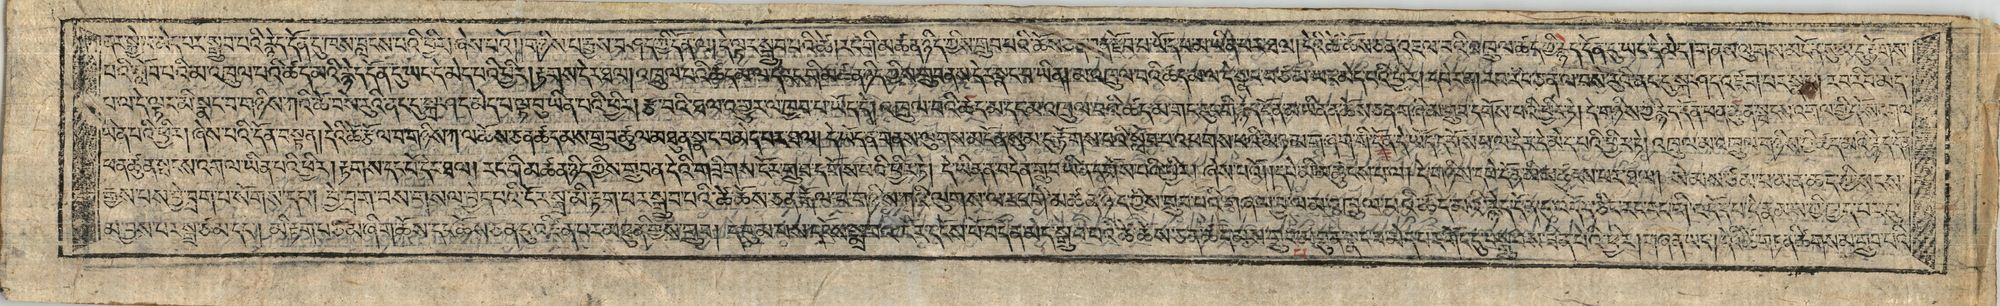ནར་སྐྱེ་བ་མེད་པར་སྒྲུབ་པའི་རྙེད་དོན་དུ་ཁས་བླངས་པའི་ཕྱིར། ཞེས་པའོ། །གཉིས་པ་རྒྱས་བཤད་ཀྱི་དོན་ལ། དེ་ལྟར་སྒྲུབ་པའི་ཚེ། རང་གི་མཚན་ཉིད་ཀྱིས་གྲུབ་པའི་ཆོས་ཅན་ཀུན་རྫོབ་པ་ཡོད་པ་མ་ཡིན་པར་ཐལ། དེའི་ཚེ་ཆོས་ཅན་འཇལ་བའི་འཁྲུལ་ཚད་ཀྱི་རྙེད་དོན་དུ་ཡང་དེ་མེད། གནས་ལུགས་མངོན་སུམ་དུ་རྟོགས་
པའི་སློབ་པའི་མ་འཁྲུལ་པའི་ཚད་མའི་རྙེད་དོན་དུ་ཡང་དེ་མེད་པའི་ཕྱིར། རྟགས་དེར་ཐལ། འཁྲུལ་པའི་ཚད་མ་ལ་དེ་རང་གི་མཚན་ཉིད་ཀྱིས་གྲུབ་ནས་དེར་སྣང་བ་ཡིན། མ་འཁྲུལ་བའི་ཚད་མ་ལ་དེ་སྣང་བ་ཙམ་ཡང་མེད་པའི་ཕྱིར། དཔེར་ན། རབ་རིབ་ཅན་ལ་བསེ་རུའི་ནང་དུ་སྐྲ་ཤད་འཛག་པར་སྣང་། རབ་རིབ་མེད་
པ་ལ་དེ་ལྟར་མི་སྣང་བ་གཉིས་ཀའི་ཚེ་བསེ་རུའི་ནང་དུ་སྐྲ་ཤད་མེད་པ་ལྟ་བུ་ཡིན་པའི་ཕྱིར། རྩ་བའི་ཐལ་འགྱུར་ལ་ཁྱབ་པ་ཡོད་དེ། འཁྲུལ་བའི་ཚད་མ་དང་མ་འཁྲུལ་བའི་ཚད་མ་གང་རུང་གི་རྙེད་དོན་མ་ཡིན་ན་ཆོས་ཅན་གཞི་མ་གྲུབ་དགོས་པའི་ཕྱིར་ཏེ། དེ་གཉིས་ཀྱི་རྙེད་དོན་ཕན་ཚུན་སྤངས་འགལ་གྱི་དངོས་འགལ་
ཡིན་པའི་ཕྱིར། ཞེས་པའི་དོན་བསྟན། དེའི་ཚེ་རྒོལ་བ་གཉིས་ཀ་ལ་ཆོས་ཅན་ཚད་མས་གྲུབ་ཚུལ་མཐུན་སྣང་བ་མེད་པར་ཐལ། དེ་ཡོད་ན་གནས་ལུགས་མངོན་སུམ་དུ་རྟོགས་པའི་སློབ་པ་འཕགས་པའི་མཉམ་གཞག་གི་ངོ་ན་དེ་ཡོད་དགོས་པ་ལ་དེར་དེ་མེད་པའི་ཕྱིར་ཏེ། འཁྲུལ་མ་འཁྲུལ་གཉིས་ཀྱི་ཚད་མའི་རྙེད་དོན་
ཕན་ཚུན་སྤངས་འགལ་ཡིན་པའི་ཕྱིར། རྟགས་དང་པོ་དེར་ཐལ། རང་གི་མཚན་ཉིད་ཀྱིས་གྲུབ་ན་དེའི་གཟིགས་ངོར་གྲུབ་དགོས་པའི་ཕྱིར་ཏེ། དེ་ཡིན་ན་བདེན་གྲུབ་ཡིན་དགོས་པའི་ཕྱིར། ཞེས་པའོ། །དཔེ་མི་མཚུངས་པ་ལ། དེ་གཉིས་དཔེ་དོན་མི་མཚུངས་པར་ཐལ། སེམས་ཙམ་པ་མན་ཆད་ཀྱི་སངས་
རྒྱས་པས་བྱེ་བྲག་པ་སོགས་དང་། བྱེ་བྲག་བས་གསལ་བྱེད་པའི་ངོར་སྒྲ་མི་རྟག་པར་སྒྲུབ་པའི་ཚེ་ཆོས་ཅན་རྒོལ་བ་གཉིས་ཀའི་ལུགས་ལ་རང་གི་མཚན་ཉིད་ཀྱིས་གྲུབ་པའི་གཞལ་བྱ་ལ་མ་འཁྲུལ་པའི་ཚད་མའི་རྙེད་དོན་དུ་འདོད་ཅིང་རང་རང་གི་འདོད་པ་དེ་རྣམས་ཀྱི་ཁྱད་པར་དུ་
མ་བྱས་པར་སྒྲ་ཙམ་དང་། མི་རྟག་པ་ཙམ་ཞིག་ཆོས་དང་ཆོས་ཅན་དུ་འཛིན་པར་མཐུན་གྱིས་གྲུབ། དབུ་མ་པས་དངོས་སྨྲ་བའི་དེར་དངོས་པོ་བདེན་མེད་སྒྲུབ་པའི་ཚེ་ཆོས་ཅན་ཚད་མས་གྲུབ་མཐུན་སྣང་བ་མེད་པར་གོང་དུ་བསྒྲུབས་ཟིན་པའི་ཕྱིར། གཞན་ཡང་། དེའི་ཚེ་གཏན་ཚིགས་མ་གྲུབ་པའི་